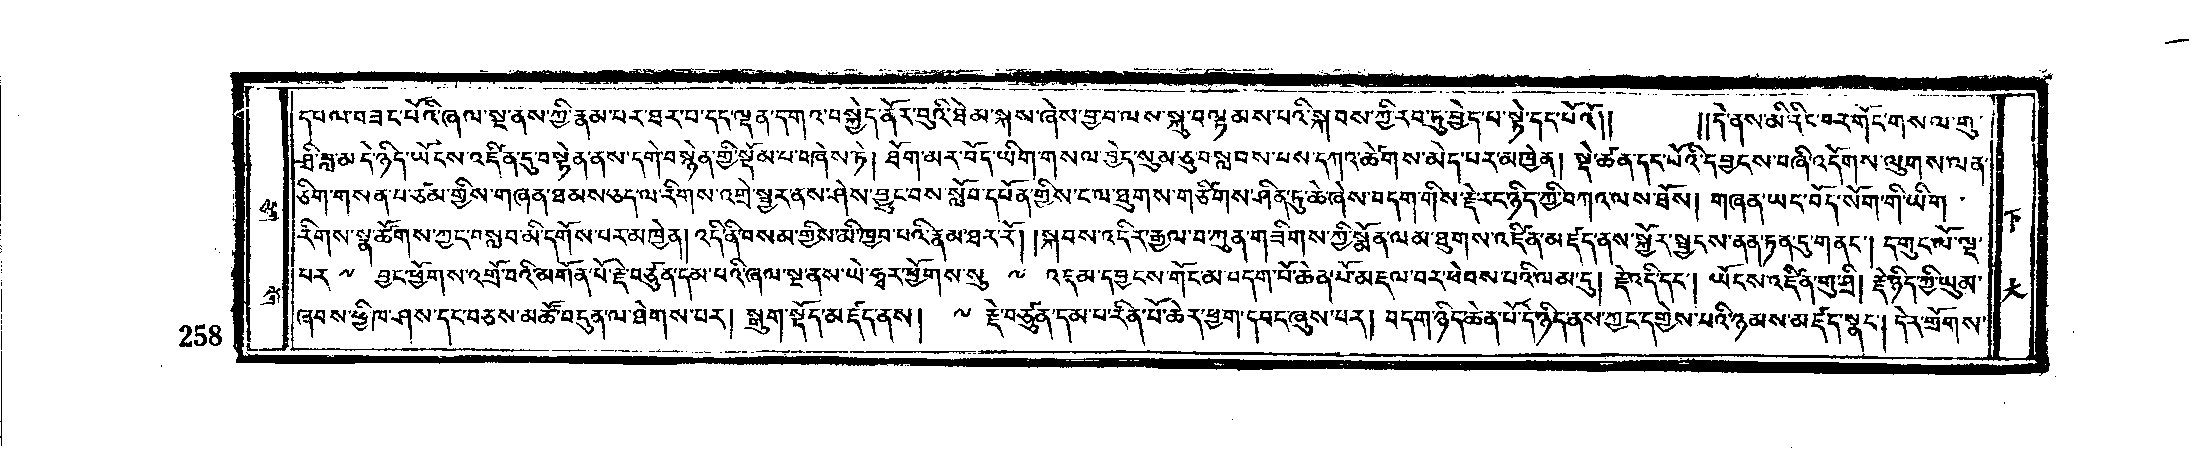དཔལ་བཟང་པོའི་ཞལ་སྔ་ནས་ཀྱི་རྣམ་པར་ཐར་པ་དད་ལྡན་དགའ་བསྐྱེད་ནོར་བུའི་ཐེམ་སྐས་ཞེས་བྱ་བ་ལས་སྐུ་བལྟམས་པའི་སྐབས་ཀྱི་རབ་ཏུ་བྱེད་པ་སྟེ་དང་པོའོ།། །།དེ་ནས་མི་རིང་བར་གོང་གསལ་གུ་
ཤྲི་བླ་མ་དེ་ཉིད་ཡོངས་འཛིན་དུ་བསྟེན་ནས་དགེ་བསྙེན་གྱི་སྡོམ་པ་བཞེས་ཏེ། ཐོག་མར་བོད་ཡིག་གསལ་བྱེད་སུམ་ཅུ་བསླབས་པས་དཀའ་ཚེགས་མེད་པར་མཁྱེན། སྡེ་ཚན་དང་པོའི་དབྱངས་བཞི་འདོགས་ལུགས་ལན་
ཅིག་གསན་པ་ཙམ་གྱིས་གཞན་ཐམས་ཅད་ལ་རིགས་འགྲེ་སྦྱར་ནས་ཤེས་བྱུང་བས་སློབ་དཔོན་གྱིས་ང་ལ་ཐུགས་གཙིགས་ཤིན་ཏུ་ཆེ་ཞེས་བདག་གིས་རྗེ་རང་ཉིད་ཀྱི་བཀའ་ལས་ཐོས། གཞན་ཡང་བོད་སོག་གི་ཡིག་
རིགས་སྣ་ཚོགས་ཀྱང་བསླབ་མི་དགོས་པར་མཁྱེན། འདི་ནི་བསམ་གྱིས་མི་ཁྱབ་པའི་རྣམ་ཐར་རོ། །སྐབས་འདིར་རྒྱལ་བ་ཀུན་གཟིགས་ཀྱི་སྨོན་ལམ་ཐུགས་འཛིན་མཛད་ནས་སྐྱོར་སྦྱངས་ནན་ཏན་དུ་གནང་། དགུང་ལོ་ལྔ་
པར ༧་བྱང་ཕྱོགས་འགྲོ་བའི་མགོན་པོ་རྗེ་བཙུན་དམ་པའི་ཞལ་སྔ་ནས་ཡེ་ཧྭར་ཕྱོགས་སུ ༧་འཇམ་དབྱངས་གོང་མ་བདག་པོ་ཆེན་པོ་མཇལ་བར་ཕེབས་པའི་ལམ་དུ། རྗེ་འདི་དང་། ཡོངས་འཛིན་གུ་ཤྲི། རྗེ་ཉིད་ཀྱི་ཡུམ་
ཞབས་ཕྱི་ཁ་ཤས་དང་བཅས་མཚོ་བདུན་ལ་ཐེགས་པར། སྒུག་སྡོད་མཛད་ནས། ༧་རྗེ་བཙུན་དམ་པ་རིན་པོ་ཆེར་ཕྱག་དབང་ཞུས་པར། བདག་ཉིད་ཆེན་པོ་དེ་ཉིད་ནས་ཀྱང་དགྱེས་པའི་ཉམས་མཛད་སྣང་། དེར་གྲོགས་